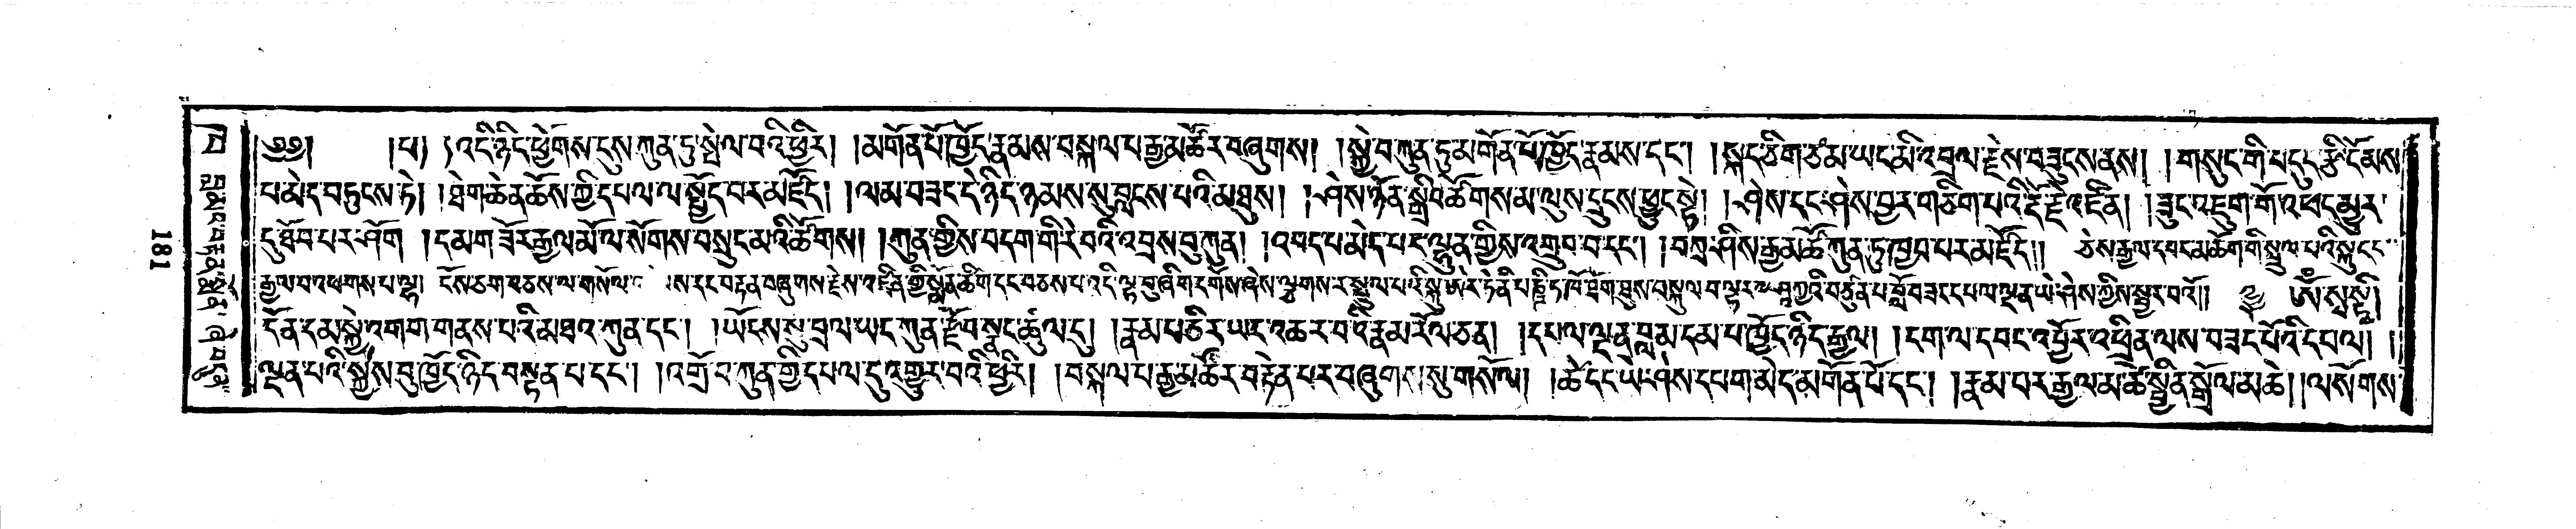༄༅། །པ༑ ༑འདི་ཉིད་ཕྱོགས་དུས་ཀུན་ཏུ་སྤེལ་བའི་ཕྱིར། །མགོན་པོ་ཁྱོད་རྣམས་བསྐལ་པ་རྒྱ་མཚོར་བཞུགས། །སྐྱེ་བ་ཀུན་ཏུ་མགོན་པོ་ཁྱོད་རྣམས་དང་། །སྐད་ཅིག་ཙམ་ཡང་མི་འབྲལ་རྗེས་བཟུངས་ནས། །གསུང་གི་བདུད་རྩི་ངོམས་
པ་མེད་བཏུངས་ཏེ། །ཐེག་ཆེན་ཆོས་ཀྱི་དཔལ་ལ་སྤྱོད་པར་མཛོད། །ལམ་བཟང་དེ་ཉིད་ཉམས་སུ་བླངས་པའི་མཐུས། །ཤེས་ཉོན་སྒྲིབ་ཚོགས་མ་ལུས་དྲུངས་ཕྱུང་སྟེ། །ཤེས་དང་ཤེས་བྱར་གཅིག་པའི་རྡོ་རྗེ་འཛིན། །ཟུང་འཇུག་གོ་འཕང་མྱུར་
དུ་ཐོབ་པར་ཤོག །དམ་གཟོར་རྒྱལ་མོ་ལ་སོགས་བསྲུང་མའི་ཚོགས། །ཀུན་གྱིས་བདག་གི་རེ་བའི་འབྲས་བུ་ཀུན། །འབད་པ་མེད་པར་ལྷུན་གྱིས་འགྲུབ་པ་དང་། །བཀྲ་ཤིས་རྒྱ་མཚོ་ཀུན་ཏུ་ཁྱབ་པར་མཛོད།། ཅེས་རྒྱལ་དབང་མཆོག་གི་སྤྲུལ་པའི་སྐུ་དང་
རྒྱལ་བ་འཕགས་པ་ལྷ། ངོས་ཅག་བཅས་ལ་གསོལ་འབབས་རང་བརྟན་བཞུགས་རྗེས་འཛིན་གྱི་སྨོན་ཚིག་དང་བཅས་པ་འདི་ལྟ་བུ་ཞིག་དགོས་ཞེས་ལྕགས་ར་སྤྲུལ་པའི་སྐུ་ཨེར་ཏེ་ནི་པཎྜི་ཏ་ཁོ་ཐོག་ཐུས་བསྐུལ་བ་ལྟར་༧་ཤཱཀྱའི་བཙུན་པ་བློ་བཟང་དཔལ་ལྡན་ཡེ་ཤེས་ཀྱིས་སྦྱར་བའོ།། ༈ ཨོཾ་སྭསྟི།
དོན་དམ་སྐྱེ་འགག་གནས་པའི་མཐའ་ཀུན་དང་། །ཡོངས་སུ་བྲལ་ཡང་ཀུན་རྫོབ་སྣང་ཚུལ་དུ། །རྣམ་པ་ཅིར་ཡར་འཆར་བའི་རྣམ་རོལ་ཅན། །དཔལ་ལྡན་བླ་མ་དམ་པ་ཁྱོད་ཉིད་རྒྱལ། །ངག་ལ་དབང་འབྱོར་འཕྲིན་ལས་བཟང་པོའི་དཔལ། །
ལྡན་པའི་སྐྱེས་བུ་ཁྱོད་ཉིད་བསྟན་པ་དང་། །འགྲོ་བ་ཀུན་གྱི་དཔལ་དུ་འགྱུར་བའི་ཕྱིར། །བསྐལ་པ་རྒྱ་མཚོར་བརྟེན་པར་བཞུགས་སུ་གསོལ། །ཚེ་དང་ཡེ་ཤེས་དཔག་མེད་མགོན་པོ་དང་། །རྣམ་པར་རྒྱལ་མཚེ་སྦྱིན་སྒྲོལ་མཆེ། །ལ་སོགས་